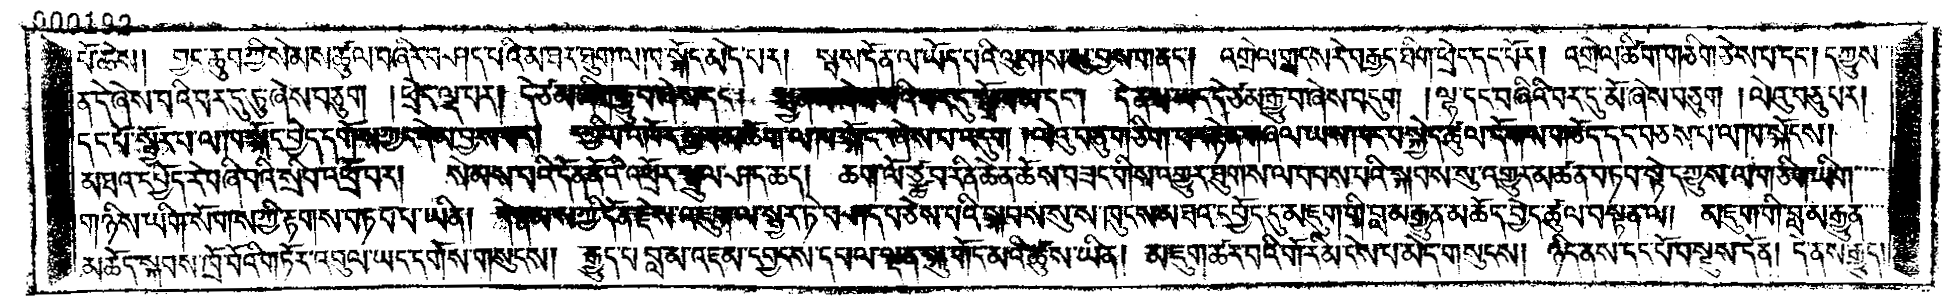པོ་ཆེས། བྱང་ཆུབ་ཀྱི་སེམས་ཚུལ་བཞིར་བཤད་པའི་མཐར་ཐུག་ལ་ཁ་སྐོང་མེད་པར། སྦས་དོན་ལ་ཡོད་པའི་ལུགས་སུ་བྱས་གནང་། འགྲེལ་གྲངས་རེ་བརྒྱད་ཐིག་ཕྲེང་དང་པོར། འགྲེལ་ཚིག་གཅིག་ཅེས་པ་དང་། དཀྱུས་
ན་དེ་ཞེས་པའི་བར་དུ་ཏུ་ཞེས་བཅུག །ཕྲེང་ལྔ་པར། དེ་ཙམ་ཞིག་རྒྱུ་བ་ཞེས་དང་། སྤྱན་མ་ཞེས་པའི་བར་དུ་སྒྲོལ་མ་དང་། དེ་ནས་ཡང་དེ་ཙམ་རྒྱུ་བ་ཞེས་བདུག །ལྷ་དང་བཞིའི་བར་དུ་མོ་ཞེས་བཅུག །ལེའུ་བཅུ་པར།
དང་པོ་སྦྱོར་བ་ལ་ཁ་སྐོང་བྱེད་དགོས་ཀྱང་དེ་མ་བྱས་པར། དཀྱིལ་འཁོར་རྒྱལ་མཆོག་ལ་ཁ་སྐོང་ཞེས་པ་འདུག །ལེའུ་བཅུ་གཅིག་པར་རྟེན་གཞལ་ཡས་ཁང་བསྐྱེད་ཚུལ་དོགས་གཅོད་དང་བཅས་པ་ལ་ཁ་སྐོངས།
མཐའ་དཔྱོད་རེ་བཞི་བའི་སྲིབ་འཕྲོ་བར། སེམས་པའི་དོན་ནོའི་འཕྲོར་སྤྲུལ་ཤད་ཆད། ཆག་ལོ་ཙྪ་བ་རིན་ཆེན་ཆོས་བཟང་གིས་འགྱུར་ཐུགས་ལ་བབས་པའི་སྐབས་སུ་འགྱུར་མཚན་བཏབ་སྟེ་དཀྱུས་ལ་གཅིག་ཡིག་
གཉིས་ཡིག་སོགས་ཀྱི་རྟགས་བཏབ་པ་ཡིན། དེ་རྣམས་ཀྱི་དོན་རྗེས་འཇུག་ལ་སྦྱར་ཏེ་བཤད་པ་ཅེས་པའི་སྐབས་སུ་ས་ཁུངས་མཐའ་དཔྱོད་དུ་མཇུག་གི་བླ་མ་རྒྱུན་མཆོད་བྱེད་ཚུལ་བསྟན་ལ། མཇུག་གི་བླ་མ་རྒྱུན་
མཆོད་སྐབས་ཁྲོ་བོའི་གཏོར་འབུལ་ཡང་དགོས་གསུངས། རྒྱུད་པ་བླ་མ་འཇམ་དབྱངས་དཔལ་ལྡན་སྐུ་གོང་མའི་ཚུས་ཡིན། མཇུག་ཚར་བའི་གོ་རིམ་ངེས་པ་མེད་གསུངས། ཉིད་ནས་དང་པོ་བསྡུས་དོན། དེ་ནས་རྒྱུད།